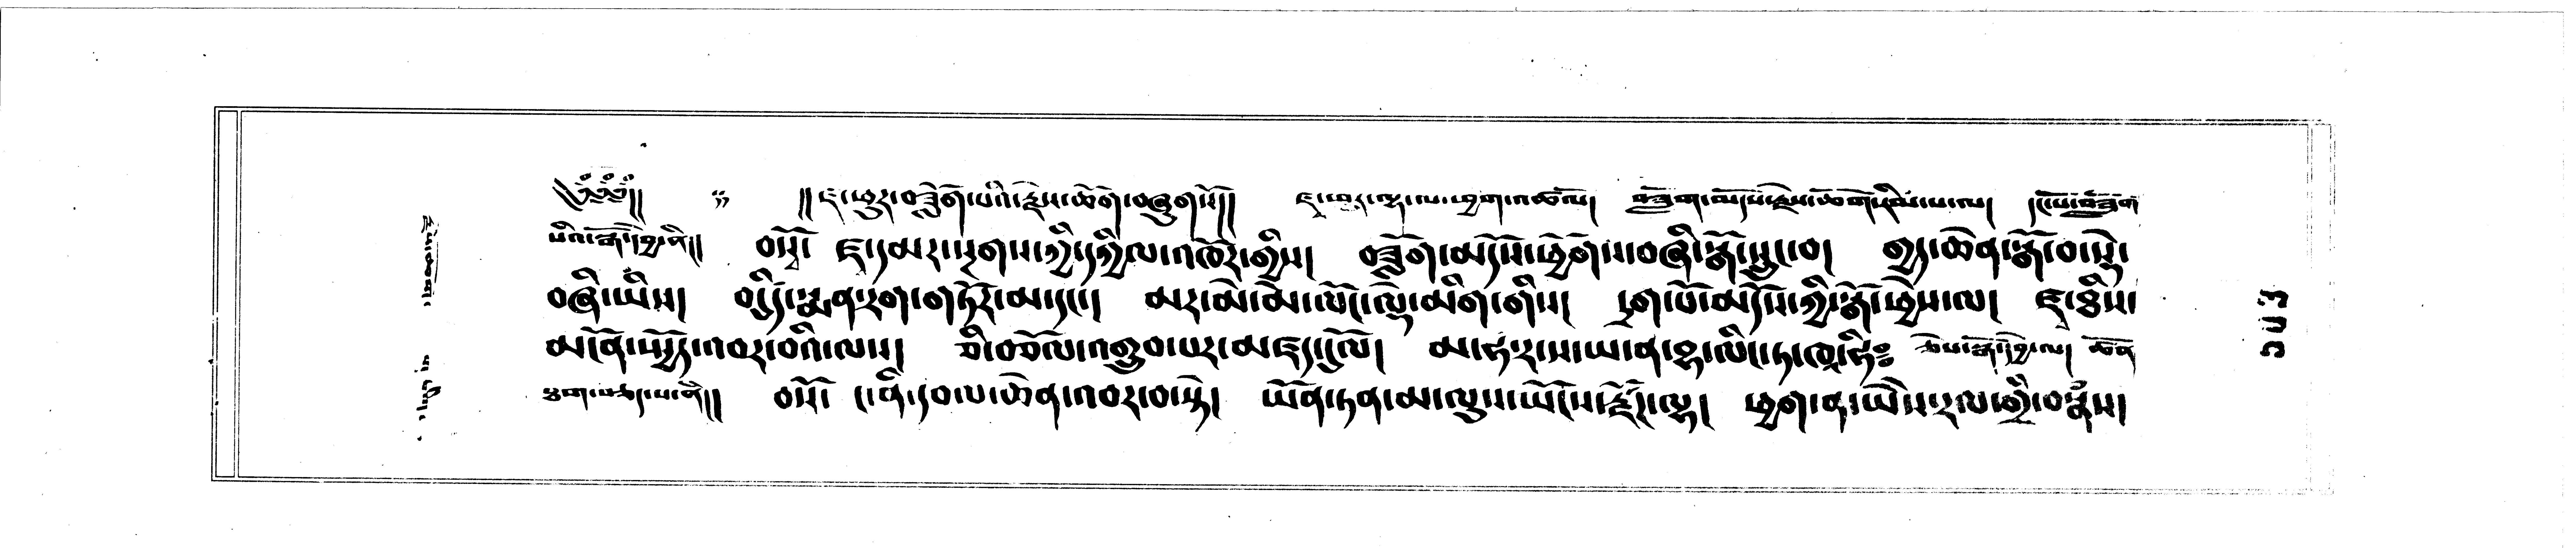།།ཛྭ་ཕུར་བཟློག་པའི་རྗེས་ཆོག་བཞུགས་སོ།།ཛྭ་ཕུར་ལྷ་ལ་ཕྱག་འཚལ་ལོ།བཟློག་མདོས་རྗེས་ཆོག་རིམ་པ་ལ།དང་པོ་བཟློག་
པའི་སྒོ་དབྱེ་ནི།།བསྭོ་ཛྭ་དམར་སྔགས་ཀྱི་དཀྱིལ་འཁོར་གྱིས།བཟློག་མདོས་ཕྱོགས་བཞི་སྒོ་སྲུང་བ།གྱད་ཆེན་སྒོ་བ་སྡེ་
བཞི་ཡིས།བདུད་རྩི་སྨན་རག་གཏོར་མ་དང་།མར་མེ་མེ་ལོང་ལྡེ་མིག་གིས།དྲག་པོ་མདོས་ཀྱི་སྒོ་ཕྱེས་ལ།ཛྭ་ཐིས་
མངོན་སྤྱོད་འབར་བའི་ལས།ཅི་བཅོལ་འགྲུབ་པར་མཛད་དུ་གསོལ།མ་ཧ་ར་ས་ཡ་ན་བྷ་ལིང་ཏ་ཁཱ་ཧི༔ཅེས་སྒོ་དབྱེ་ལ།ཚོན་
ཐག་བཅད་པ་ནི།།བསྭོ་ང་ནི་དབལ་ཆེན་འབར་བ་སྟེ།ཡོན་ཏན་མ་ལུས་ཡོངས་རྫོགས་ལྷ།ཕྱག་ན་ཡེ་ཤེས་རལ་གྲི་བསྣམས།